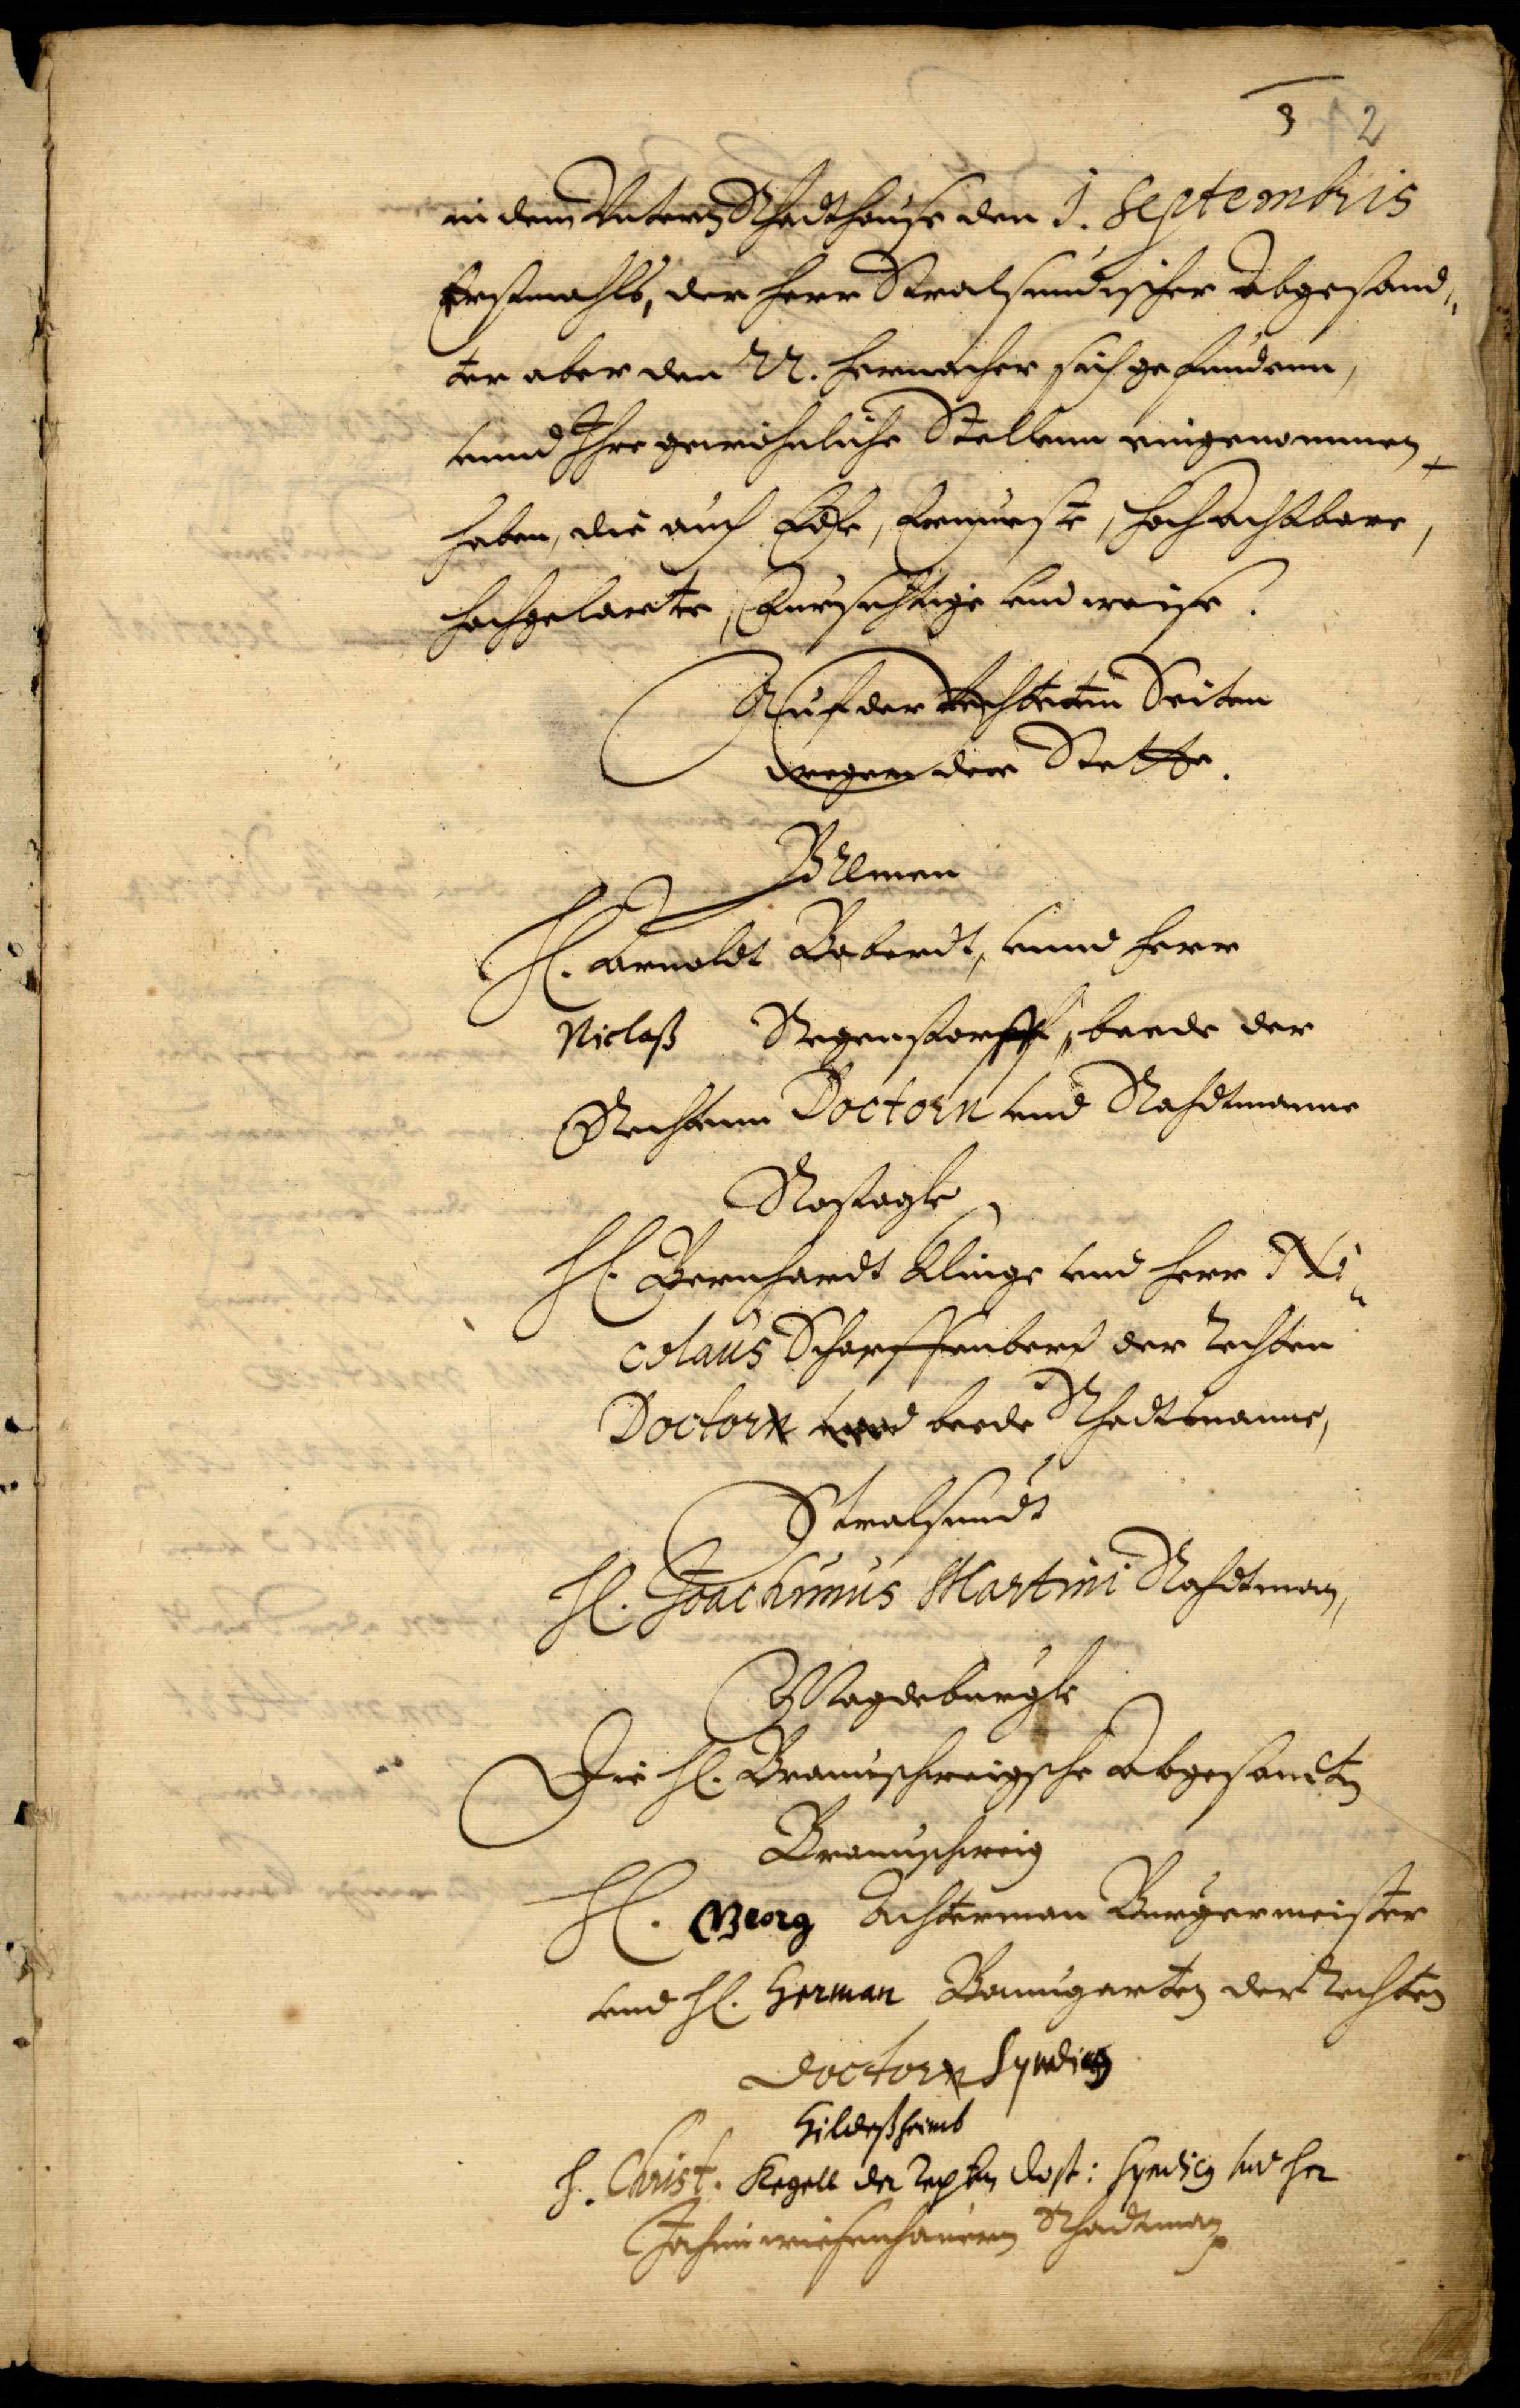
3
in dem Vntern Rhadthause den 1. Septembris
Erstmahls, der herr Stralsundischer Abgesand¬
ter aber den 22. hernacher sich gefundenn,
vnnd Ihre gewöhnliche Stellenn eingenommen
haben, die auch Edle, Ernueste, hochachtbare,
hochgelarte, Fursichtige vnd weise.
Auf der Rechteten Seiten
wegenn der Stette.
Bremen
H. Arnoldt Baberdt, vnnd herr
Niclaß Regenstorff, beede der
Rechtenn Doctorn vnd Rahdtmanne
Rostogk,
H. Bernhardt Klinge vnd herr Ni¬
colaus Scharffenberg der Rechten
Doctorn vnnd beede Rhadtmanne,
Stralsundt
H. Joachimus Martini Rahdtmann,
Magdeburgk
Die H. Braunschweigsche Abgesandten
Braunschweig
H. Georg Achterman Burgermeister
vnd H. Herman Baumgarten der Rechten
doctorn Syndicus
Hildeßheimb
h. Christ. Kegell der Rechten doct: Syndicus vnd her
Jochim wiesenhauern Rhadtmann p
